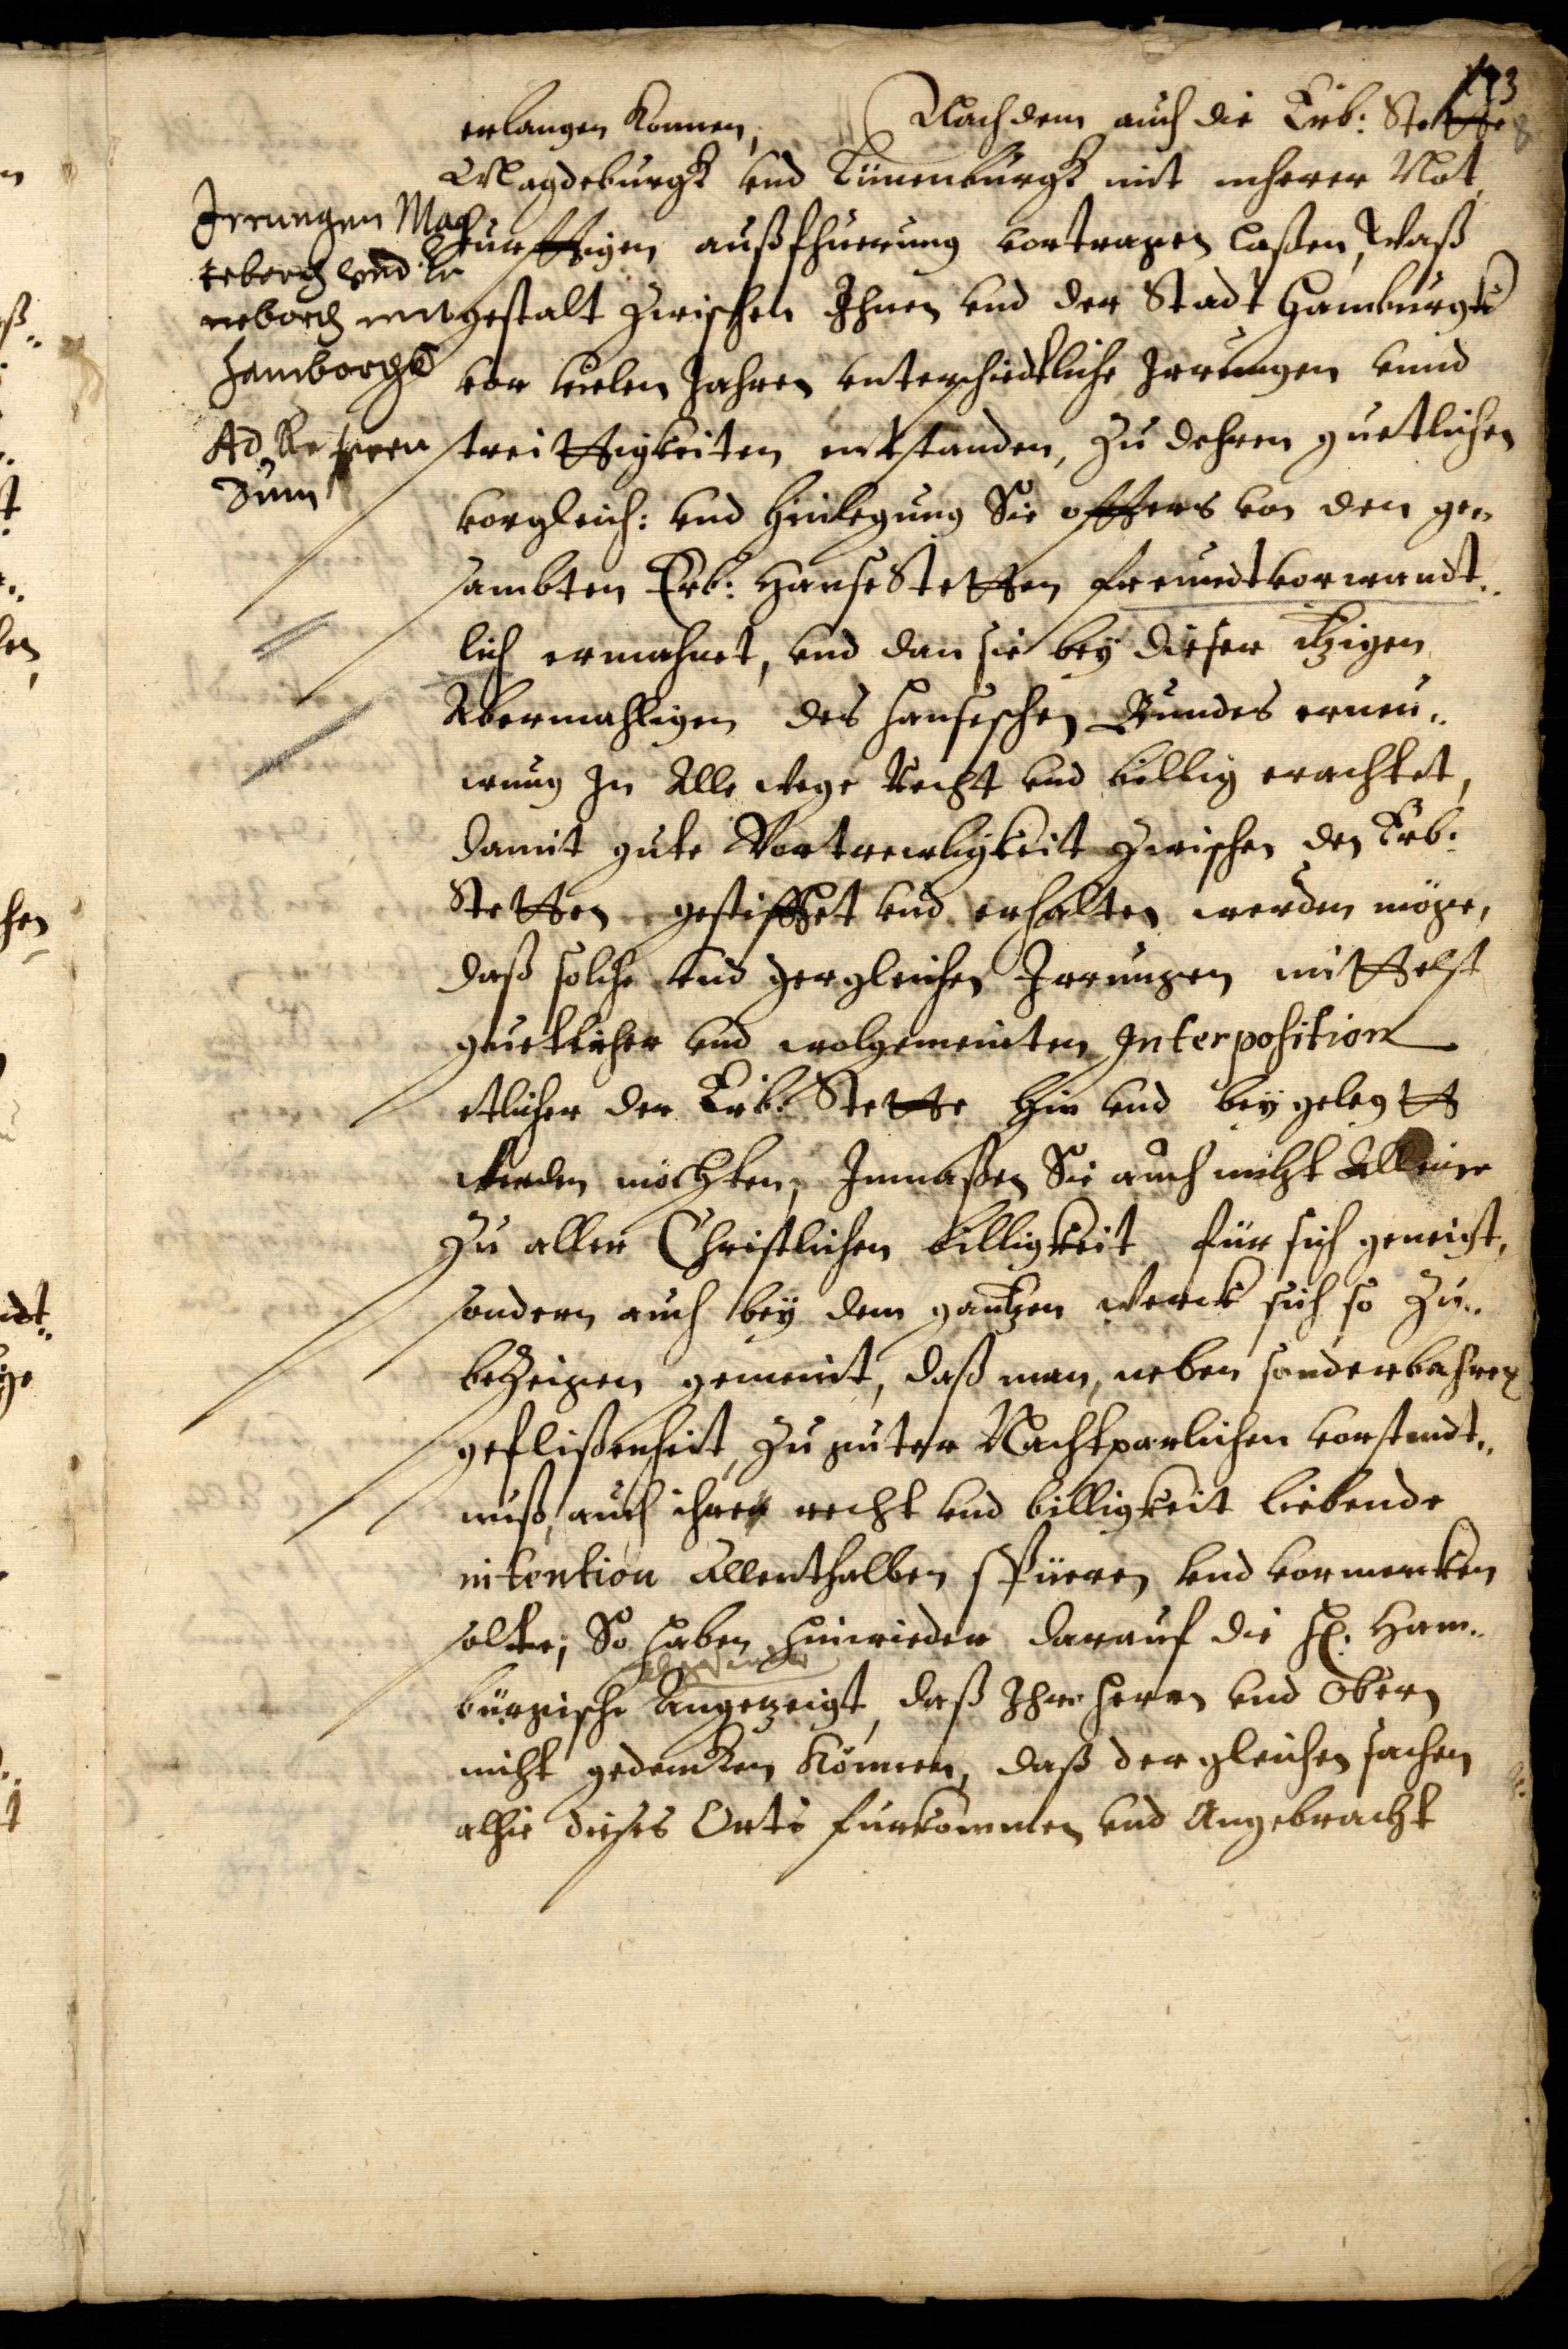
13
Irrungen Mag¬
teborch vnd Lu¬
neborch mit
hamborgk
Ad Referen
dum
erlangen konnen, Nachdem auch die Erb: Stette
Magdeburgk vnd Lünenburgk mit mherer Not¬
turfftigen außfhuerung vortragen laßen, waß
gestalt zwischen ihnen und der Stadt Hamburgk
vor vielen Iahren vnterschiedtliche Irrungen vnnd
streittigkeiten entstanden, zu dehren guetlichen
vorgleich: vnd hinlegung Sie offters von den ge¬
sambten Erb: Hansestetten freundtvorwandt¬
lich ermahnet, vnd dan sie beij dieser itzigen
abermahligen des hansischen Bundes erneu¬
wung in alle wege Recht vnd billig erachtet,
damit gute Vortrewligkeit Zwischen den Erb:
Stetten gestifftet vnd erhalten werden möge,
daß solche vnd dergleichen Irrungen mittelst
guetlicher vnd wolgemeinten Interposition
etlicher der Erb: Stette hin vnd beij gelegtt
werden möchten, inmaßen Sie auch nicht alleine
zu aller Christlichen billigkeit für sich geneigt,
sondern auch beij dem gantzen werck sich so zu¬
bezeigen gemeint, daß man, neben sonderbahren
geflißenheit, zu guter Nachtparlichen vorstendt¬
nuß auch ihren recht vnd billigkeit liebende
intention allenthalben spüeren vnd vormercken
solte; So haben hinwieder darauf die herrn Ham¬
bürgische angezeigt, daß ihre herrn vnd Oberen
nicht gedencken können, daß der gleichen sachen
alhie dieses Orts furkommen vnd Angebracht
